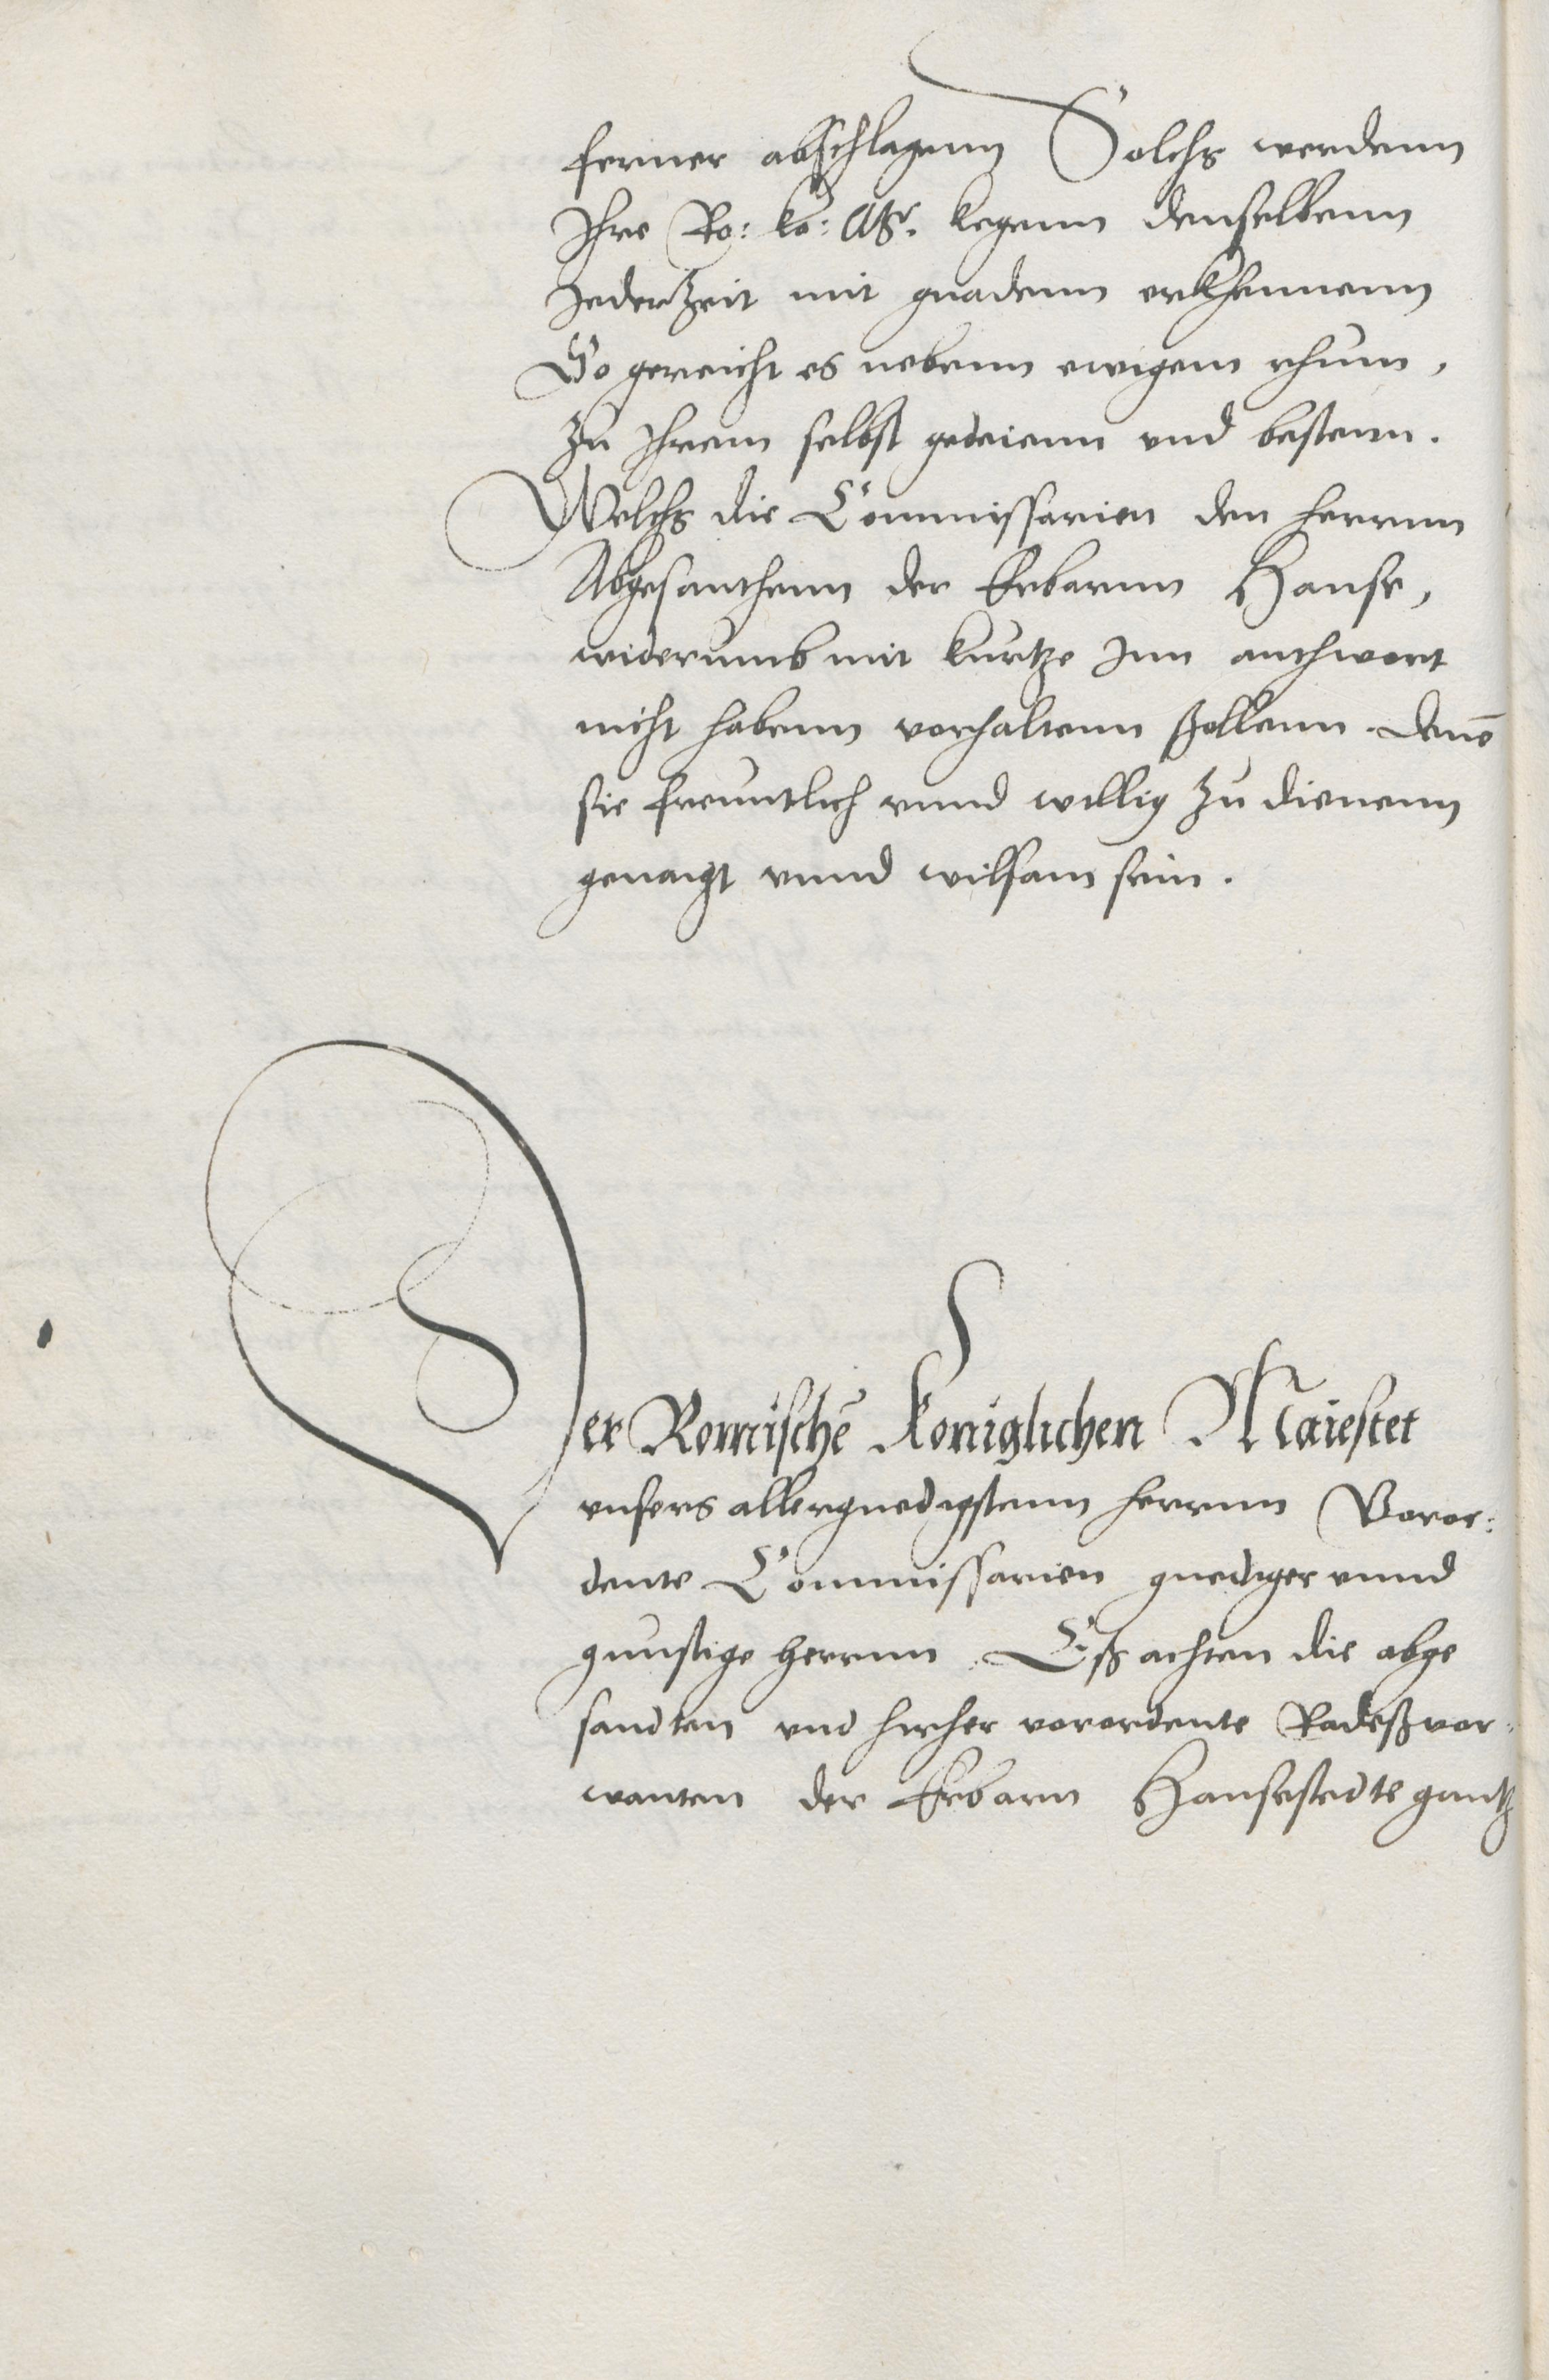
ferner abgeschlagenn Solchs werdenn
jhre Ro: Ko: Mt: kegenn denselbenn
jederzeit mit gnadenn erkhennenn
So gereicht es nebenn ewigem rhum,
zu jhrem selbst gedeienn vnd bestenn.
Welchs die Commissarien den herrnn
Abgesanthenn der Erbarnn Hanse,
widerumb mit kurtze jnn anthwort
nicht habenn vorhaltenn ßollenn denen
sie freuntlich vnnd willig zu dienenn
genaigt vnnd wilsam sein.
Der Romischen Koniglichen Maiestet
vnsers allergnedigstenn herrnn Voror¬
dente Commissarien gnediger vnnd
gunstige Herrnn Eß achten die abge
sandten vnd hirher vorordente Radeßvor¬
wanten der Erbarn Hansestedte gantz
